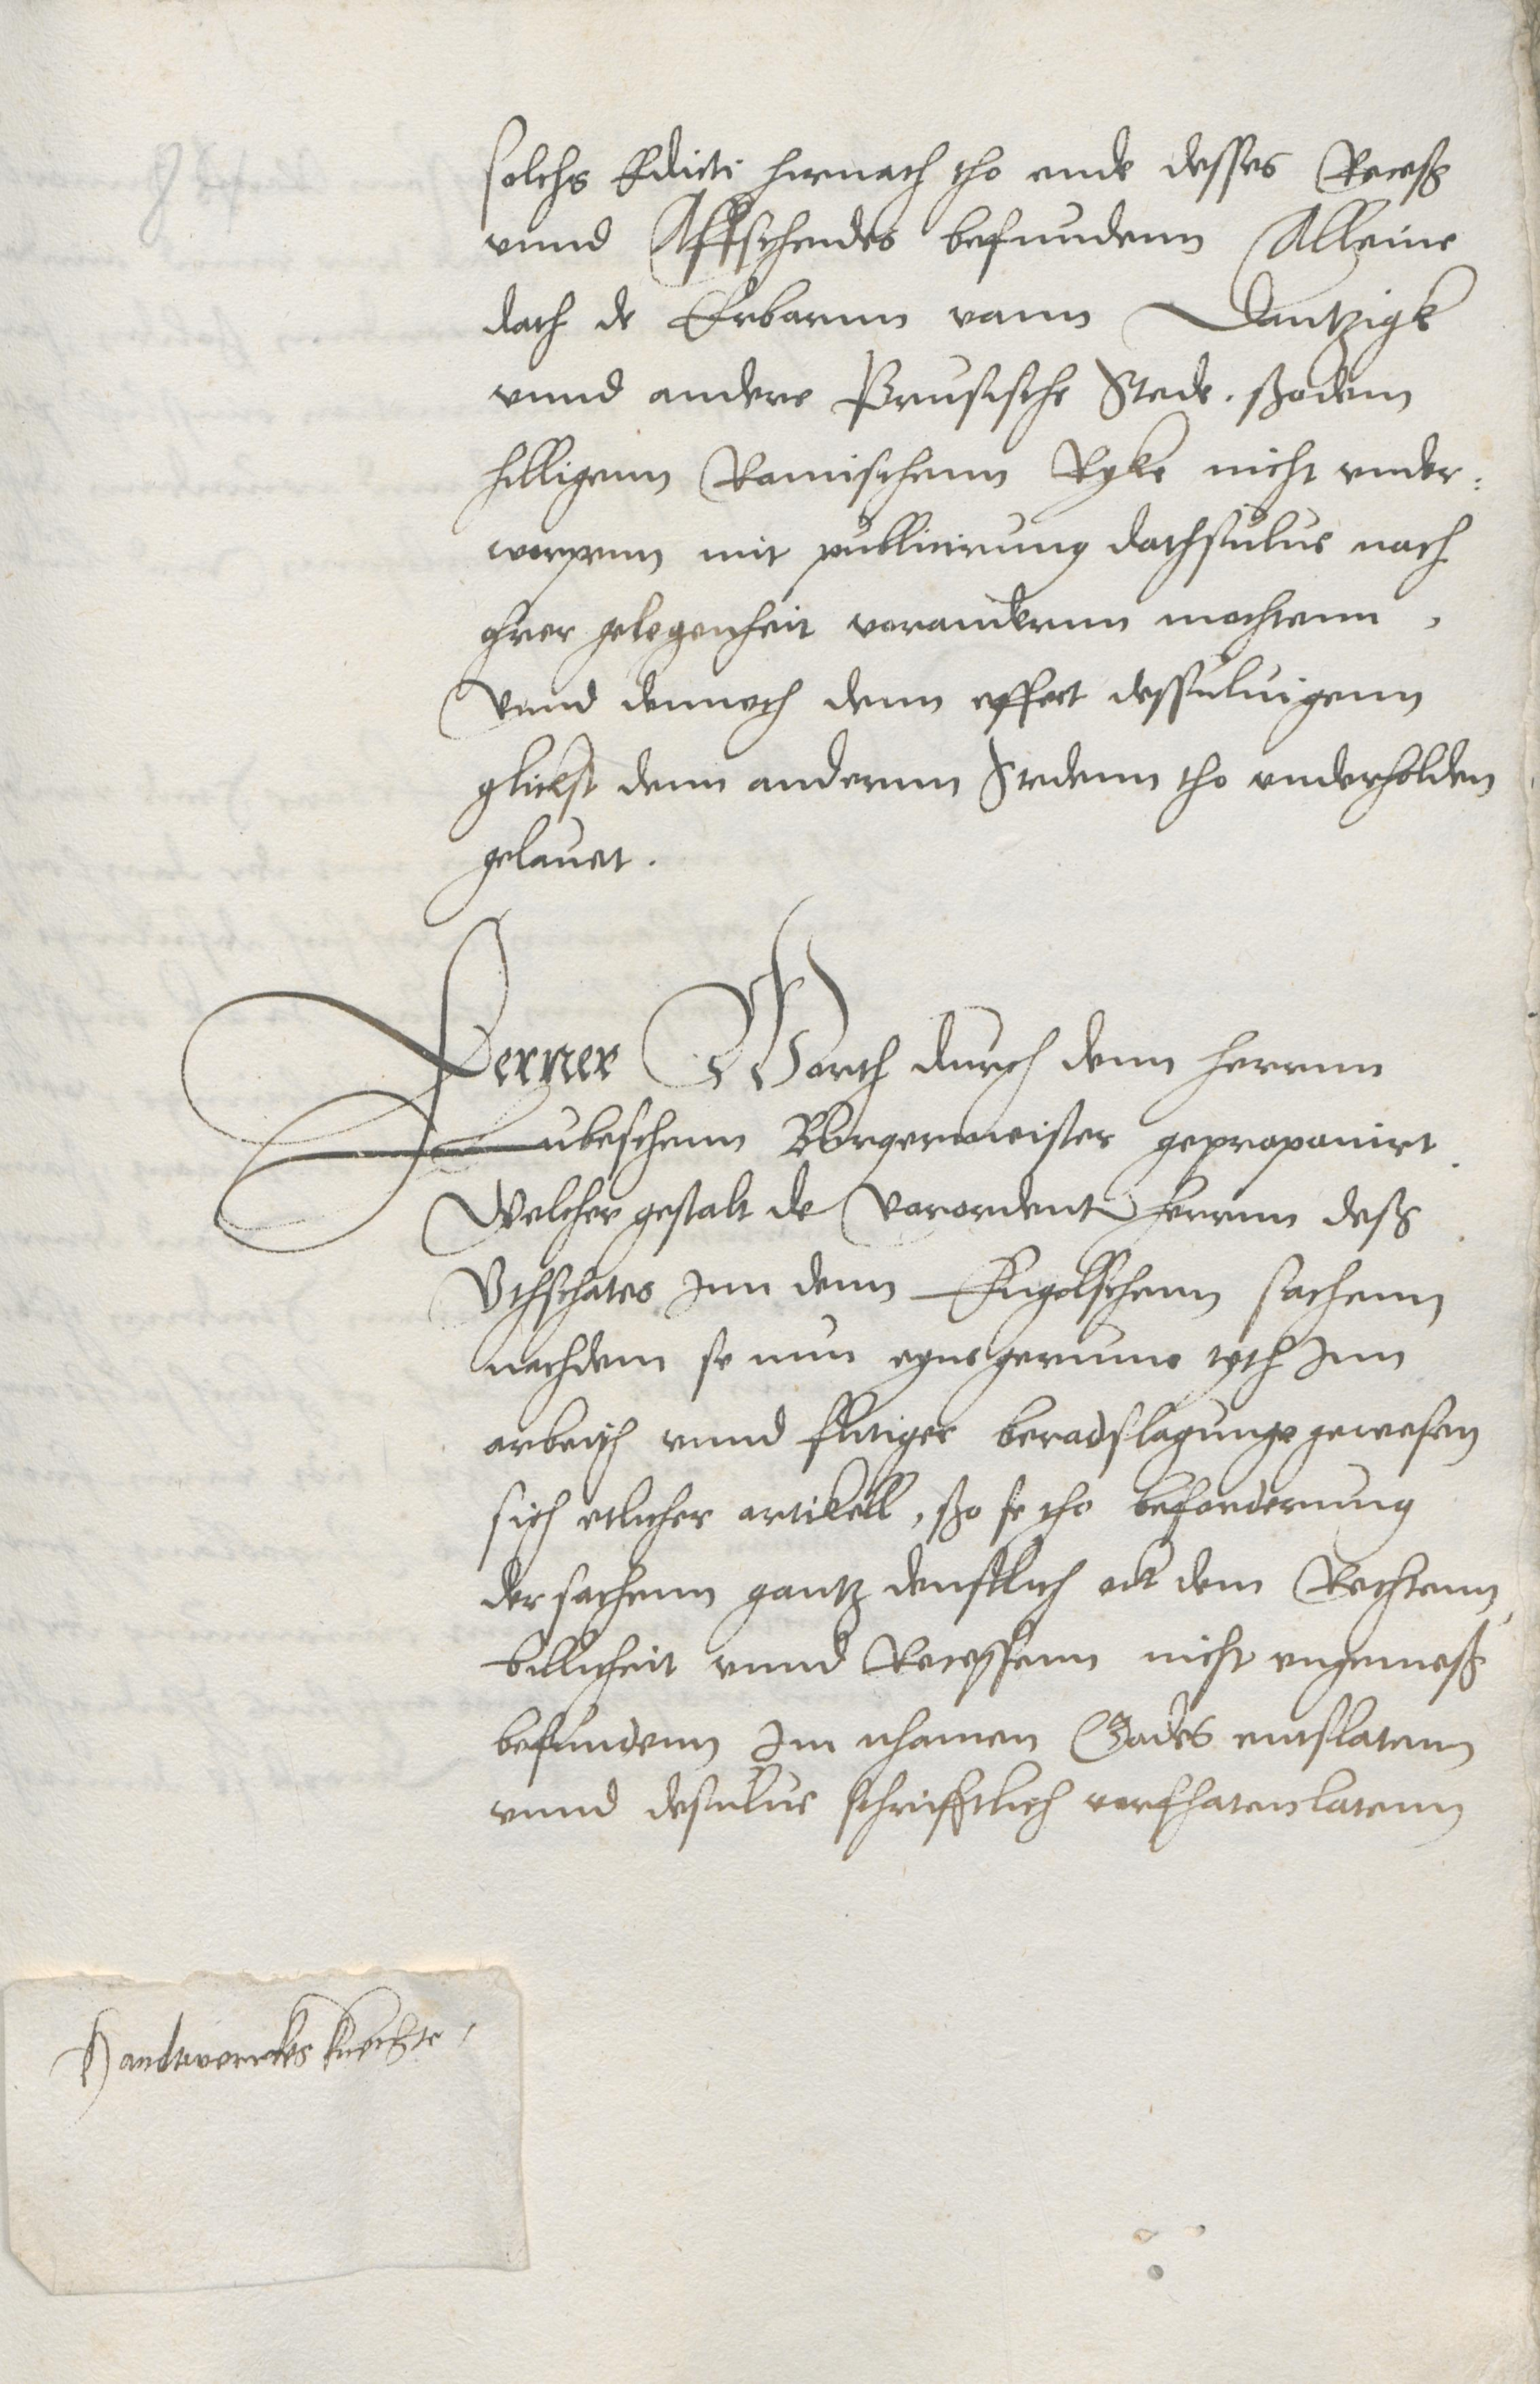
solchs Edicti hirnach tho ende desses Receß
vnnd Affscheides befundenn Alleine
dath de Erbarnn vann Dantzigk
vnnd andere Prusische Stede, ßo dem
hilligenn Romischenn Ryke nicht vnder¬
worpenn mit publicirung dathsulue nach
ohrer gelegenheit vorandernn mochtenn,
Vnnd dennoch denn effect dessuluigenn
glickst denn andernn Stedenn tho vnderholden
gelauet.
Ferner Worth durch denn herrnn
Lubeschenn Burgermeister geproponirt
Welcher gestalt de Vorordenten herrnn deß
Vthschates jnn denn Engelschenn sachenn
nachdem se nun eyne gerume tyth jnn
arbeith vnnd flitiger beradslagunge gewesen
sich etlicher artikell, ßo se tho beforderung
der sachenn gantz denstlich ock dem Rechtenn,
billicheit vnnd Recessenn nicht vngemeß
befundenn jm nhamen Gades entslatenn
vnnd desulue schrifftlich vorfhaten latenn
Handtwerckes Knechte
